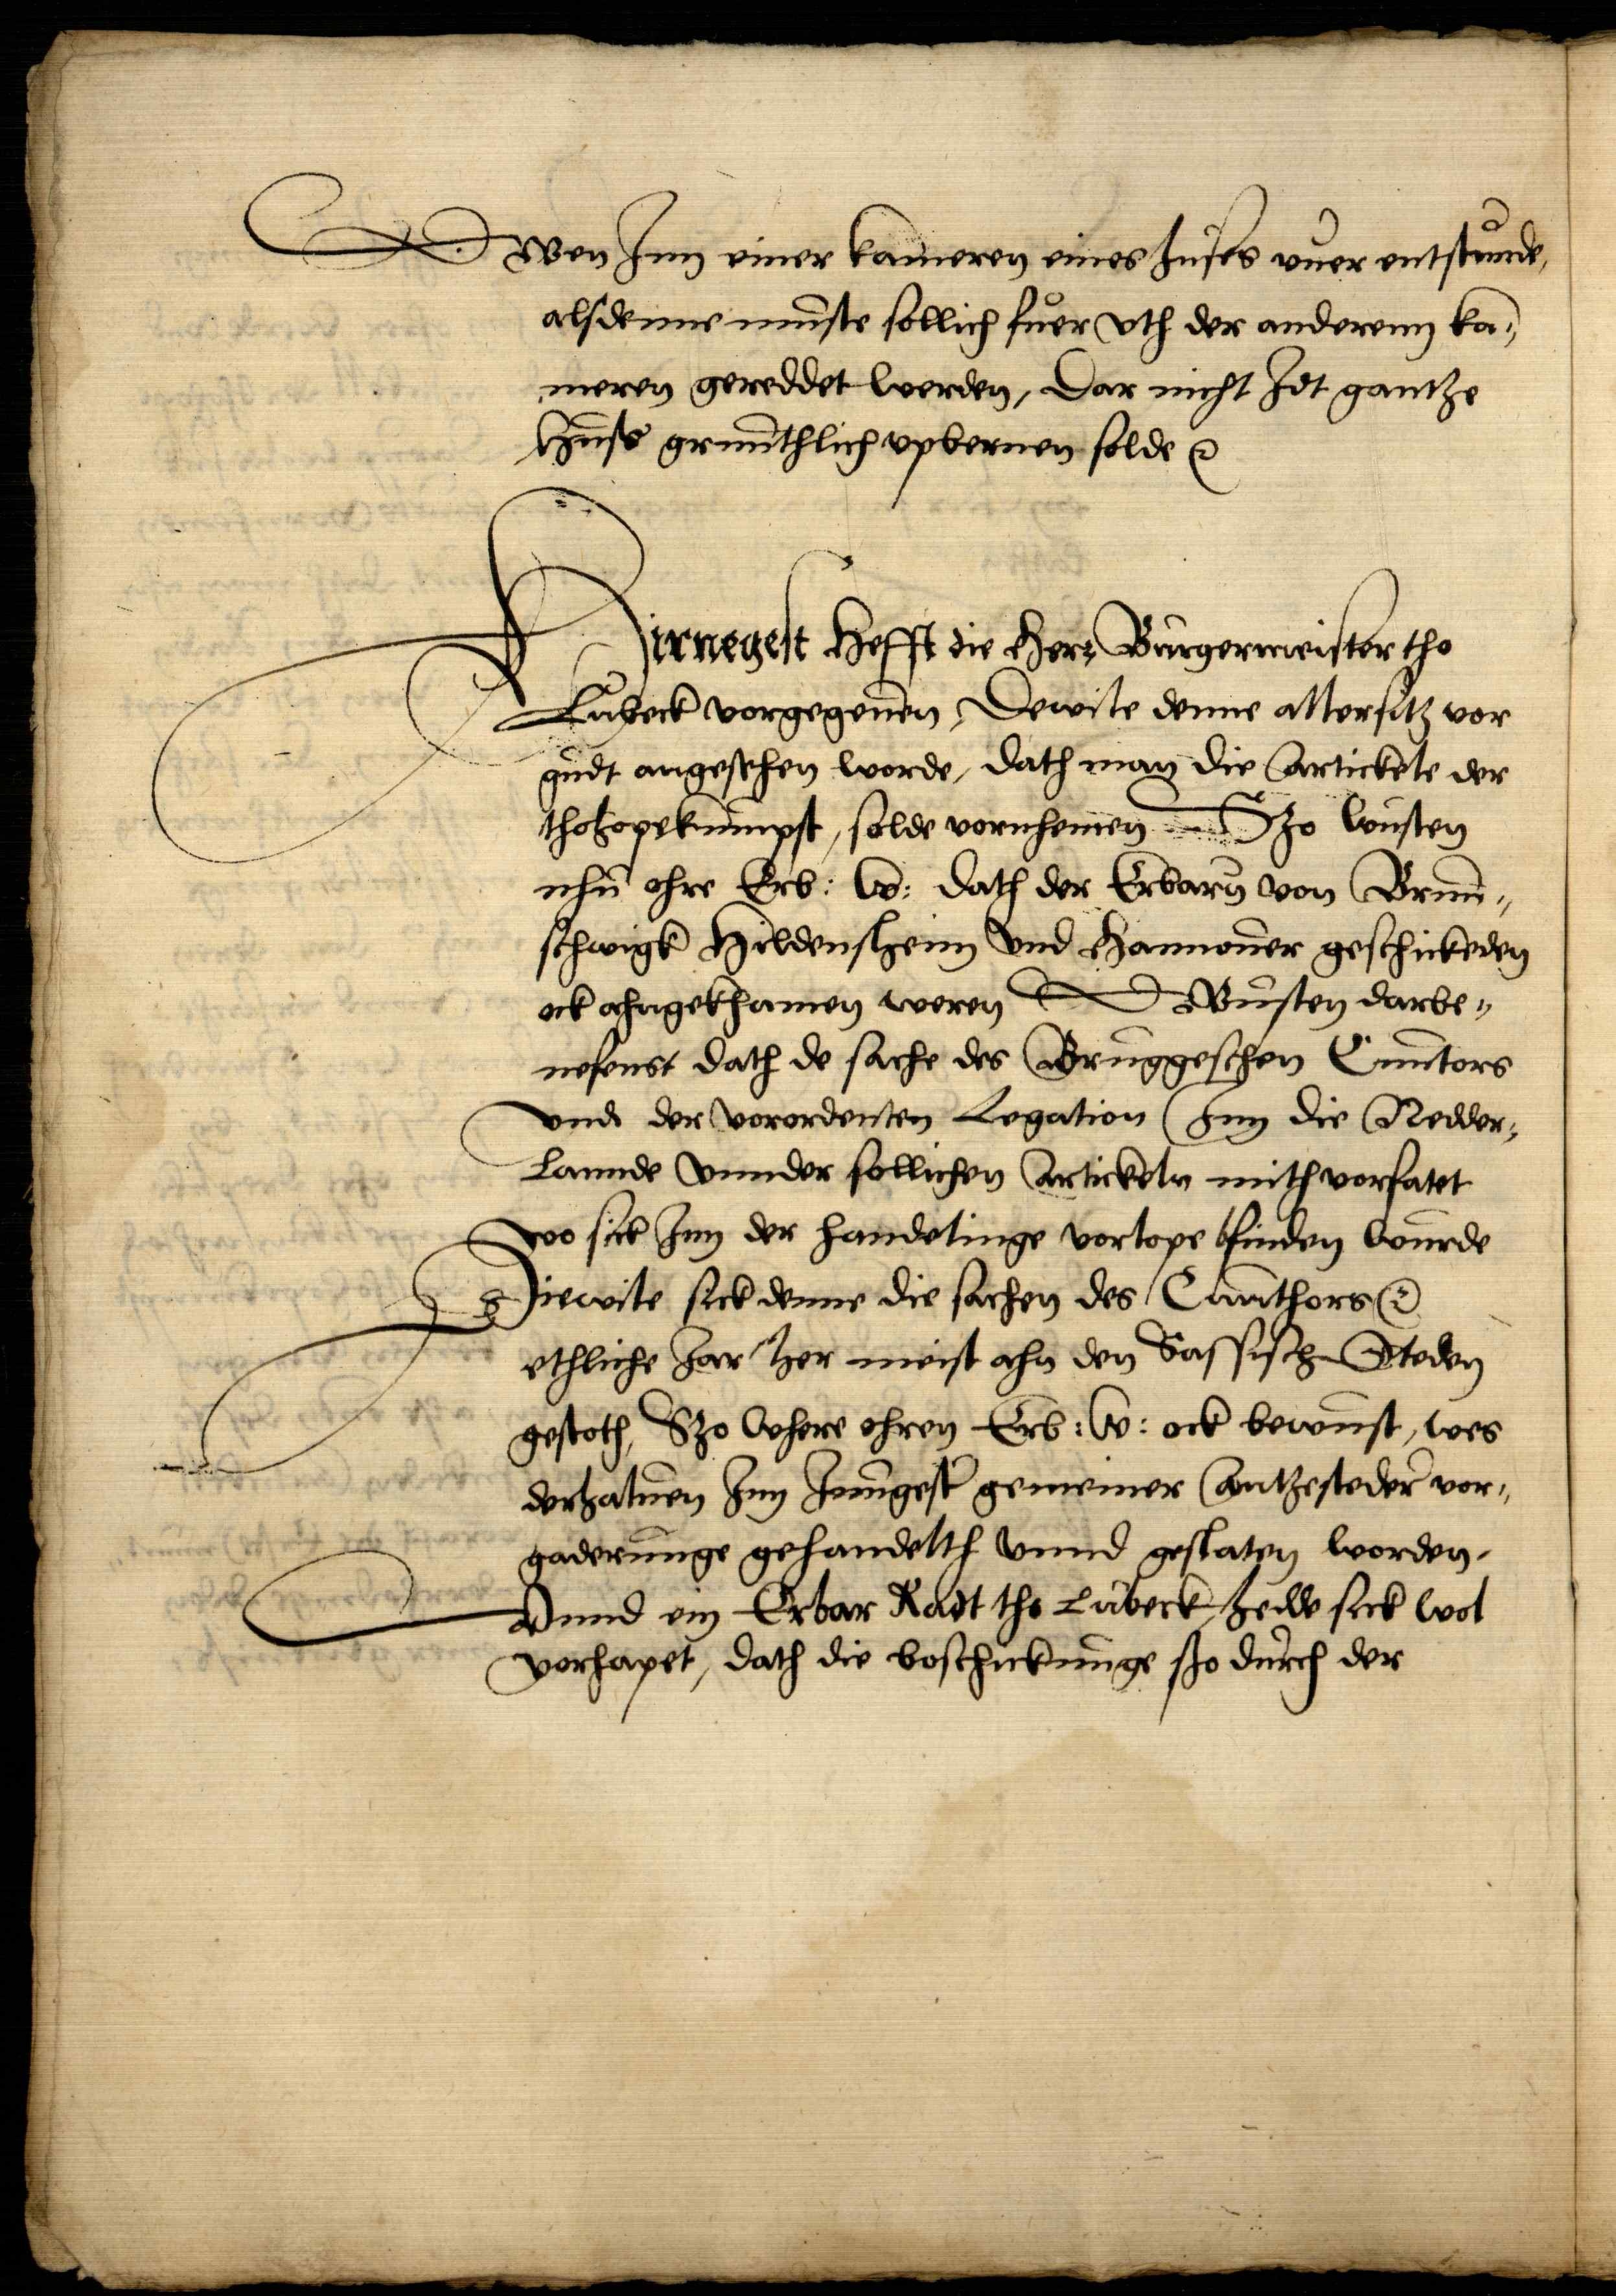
Wen Inn einer kameren eines huses vuer entstunde,
alsdenne muste sollich fuer vth der anderenn ka¬
meren gereddet werden, Dar nicht Idt gantze
Huss grunthlich vpbernen solde etc
Hirnegest Hefft die Herr Burgermeister tho
Lubeck vorgegeuen, Dewile denn allersitz vor
gudt angesehen worde, dath man die Artickele der
thohopekumpst, solde vornhemen Szo wusten
nhu ohre Erb: w: dath der Erbarn von Brun¬
schwigk Hildensheim vnd Hannouer geschickeden
ock ahngekhamen weren Wusten darbe¬
nefenst dath de Sache des Bruggeschen Cuntors
vnd der vorordenten Legation Inn die Nedder¬
Lannde vnnder sollichen artickeln mith vorfatet
wo sick Inn der handelinge vorlope bfinden wurde
Diewile sick denne die sachen des Cunthors etc
ethliche Iar her meist ahn den Sassischen Steden
gestoth, Szo where ohren Erb: w: ock bewust, wes
derhaluen Inn Iungest gemeiner Antzesteder vor¬
gaderunge gehandelth vnnd geslaten worden,
Vnnd ein Erbar Radt tho Lubeck hedde sick wol
vorhapet, dath die boschickunge ßo durch der
